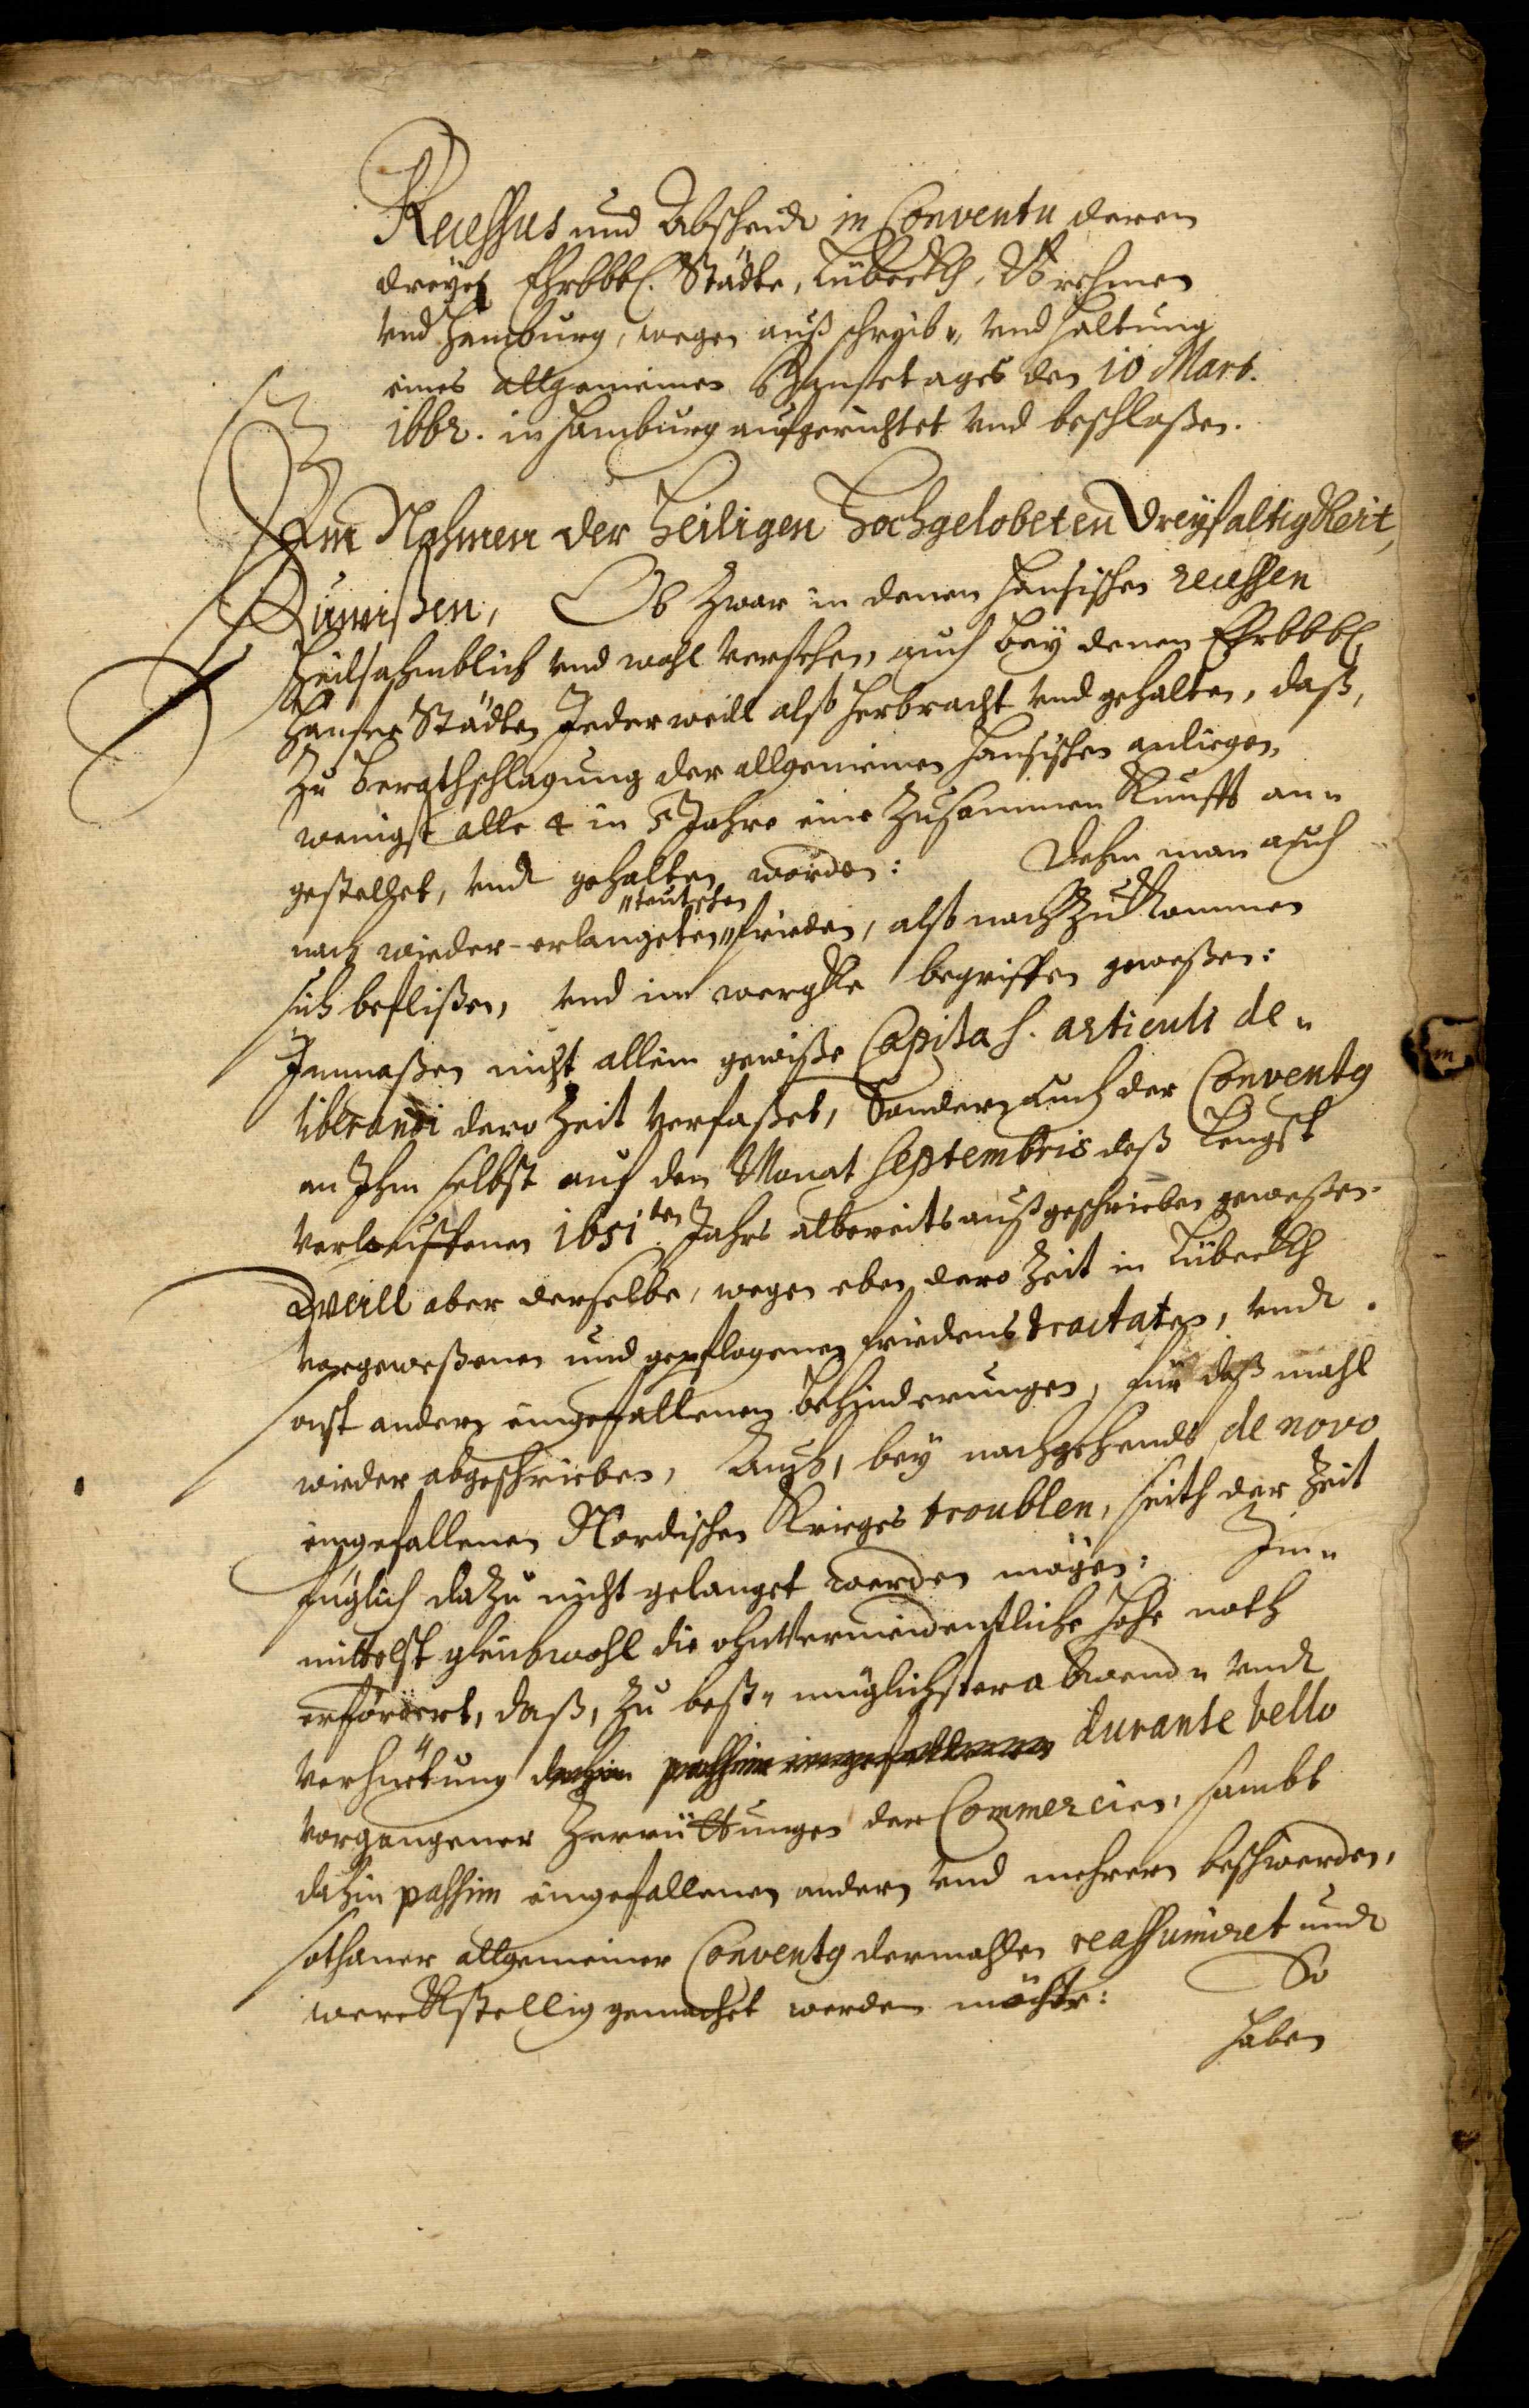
Recessus vnd Abscheid in Conventu deren
dreyen Ehrbbb. Städte, Lübeckh, Brehmen
vnd Hamburg, wegen auß schreib- vnd haltung
eines allgemeinen Hansetages den 10 Mart.
1662. in Hamburg aufgerichtet vnd beschloßen.
Im Nahmen der Heiligen Hochgelobeten Dreijfaltigkeit,
Zuwißen, Ob zwar in denen Hansischen Recessen
Heilsamblich vnd wohl versehen auch beij denen Ehrbbb.
Hanse Städten Jeder weill also herbracht vnd gehalten,daß,
zu berathschlagung der allgemeinen hansischen anliegen
wenigst alle 4 in 5 Jahre eine zusammen Kunfft an¬
gestellet, vndt gehalten worden: Dahin man auch
nach wieder-erlangeten teutschen frieden, also nachzukommen
sich beflißen, vnd im wergke begriffen geweßen:
Inmaßen nicht allein gewiße Capita h.articuli de¬
liberandi dero Zeit verfaßet, Sondern auch der Conventus
an Ihm selbst auf den Monat Septembris deß lengst
verlauffenen 1651ten Jahrs albereits außgeschrieben geweßen.
Weill aber derselbe, wegen eben dero zeit in Lübeckh
vorgeweßenen und gepflogenen friedens tractaten, vndt
sonst andern angefallenen behinderungen, für daß mahl
wieder abgeschrieben, Auch, beij nachgehend, de novo
eingefallenen Nordischen Krieges troublen, seith der zeit
füglich dazu nicht gelanget werden mögen: Im¬
mittelst gleichwohl die ohnvermeidentliche hohe noth
erfordert, daß, zu best, müglichsterabwend, vndt
verhüetung dahin passim einngefallenen durante bello
vorgangener zerrüttungen der Commercien, sambt
dahin passim eingefallenen andern vnd mehrern beschwerden,
sothaner allgemeiner Conventus dermahlen reassumiret vndt
werckstellig gemacht werden möchte: So
haben
